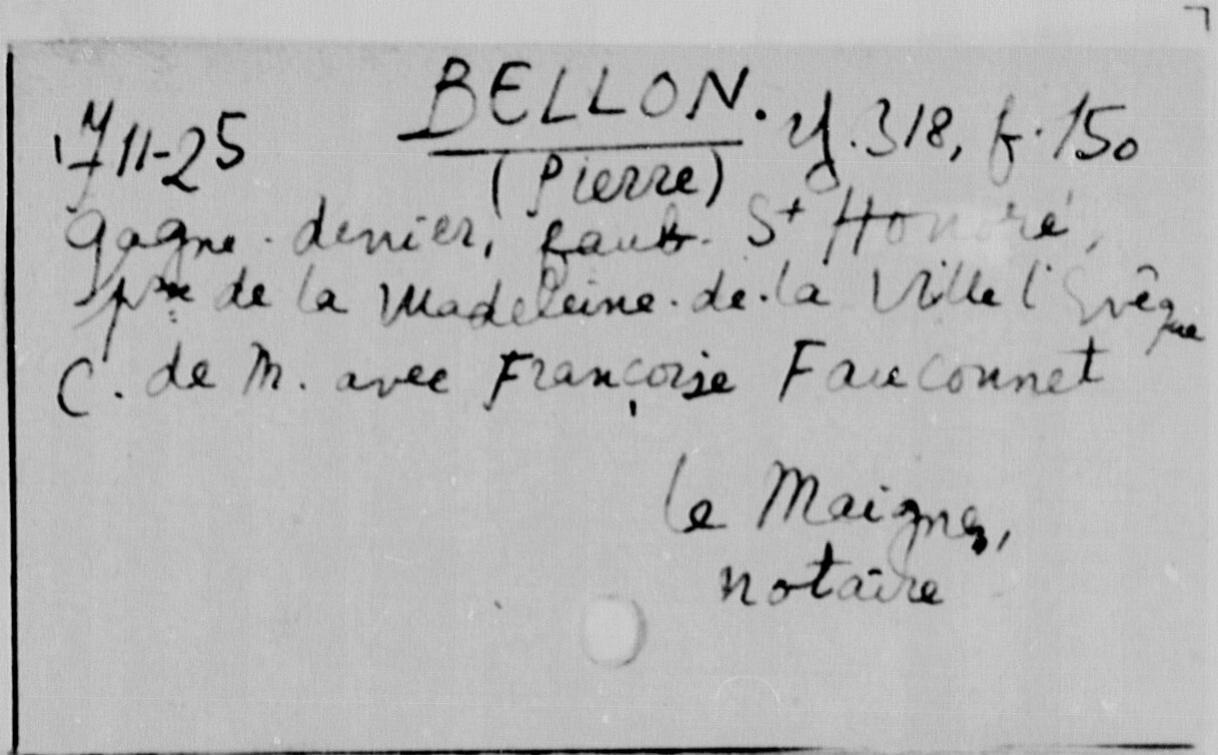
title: BELLON (Pierre)
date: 1711-1725
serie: Y
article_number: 318
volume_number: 150
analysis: Gagne-denier, faubourg Saint-Honoré, paroisse de La Madeleine de la Ville l'Évêque. Contrat de mariage avec Françoise Fauconnet Le Maigne, notaire
